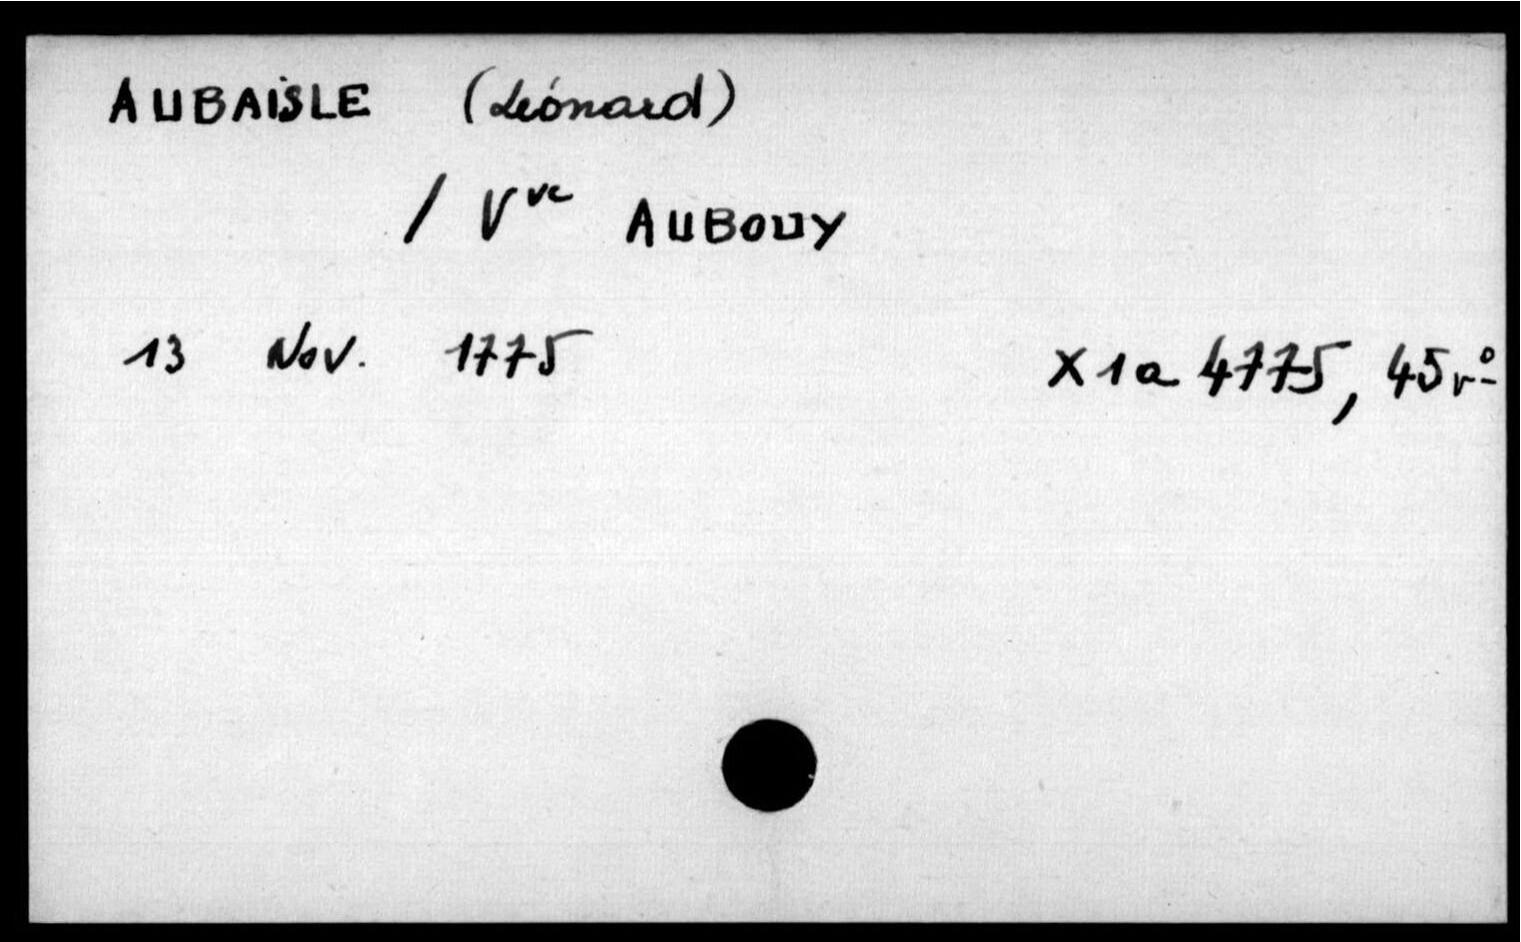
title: AUBAISLE (Léonard)
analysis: Contre Veuve Aubouy
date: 13 novembre 1775
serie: X1a
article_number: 4775
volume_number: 45v
